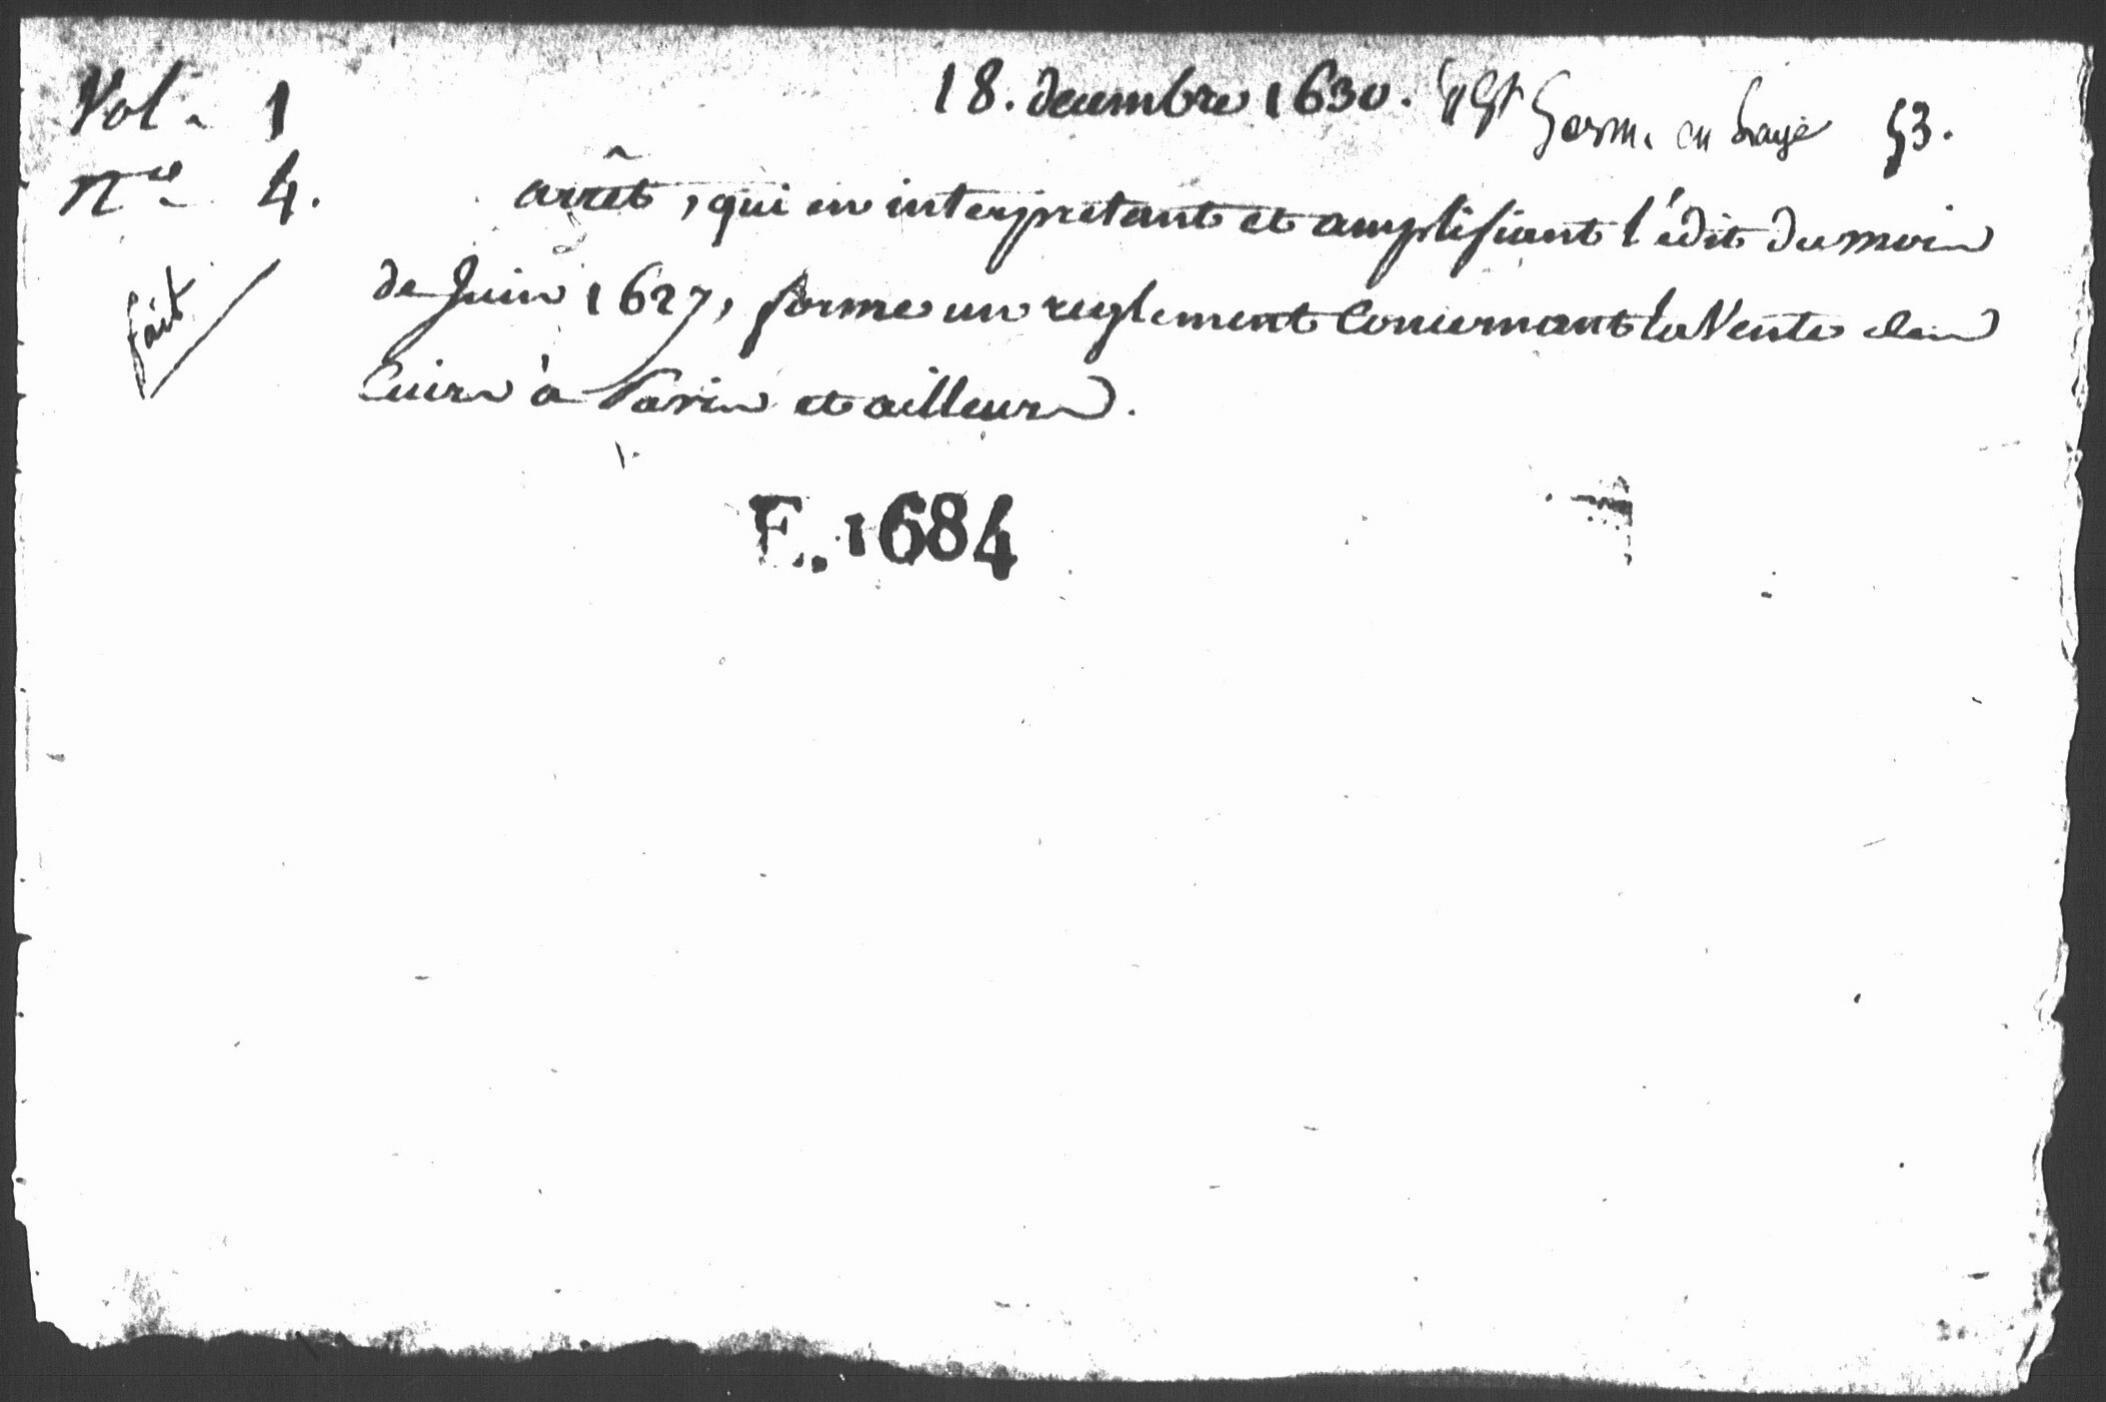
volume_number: n°4
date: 18 décembre 1630
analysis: a St Germ. en Laye 53 fait [en marge]
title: arrêt, qui en interpretant et amplifiant l'edit du mois de juin 1627, forme un reglement concernant la vente des cuirs à Paris et ailleurs.
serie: E
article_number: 1684
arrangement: vol. 1
